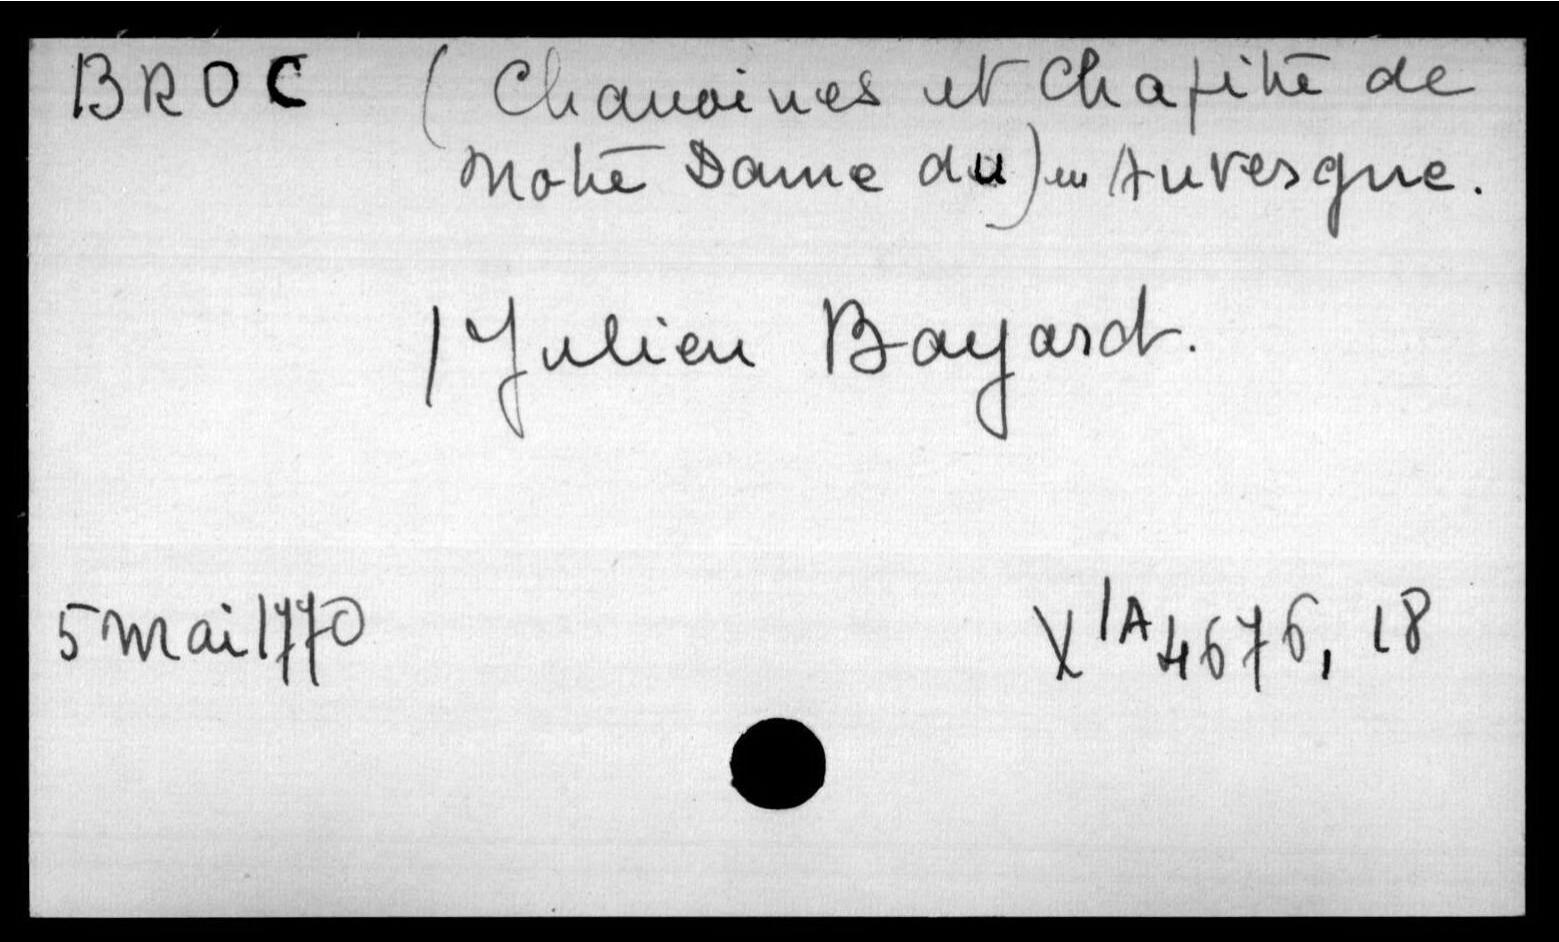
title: BROC (Chanoines et chapitre de notre Dame du) en Auvergne
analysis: Contre Julien Bayard
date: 5 mai 1770
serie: X1A
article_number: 4676
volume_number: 18
